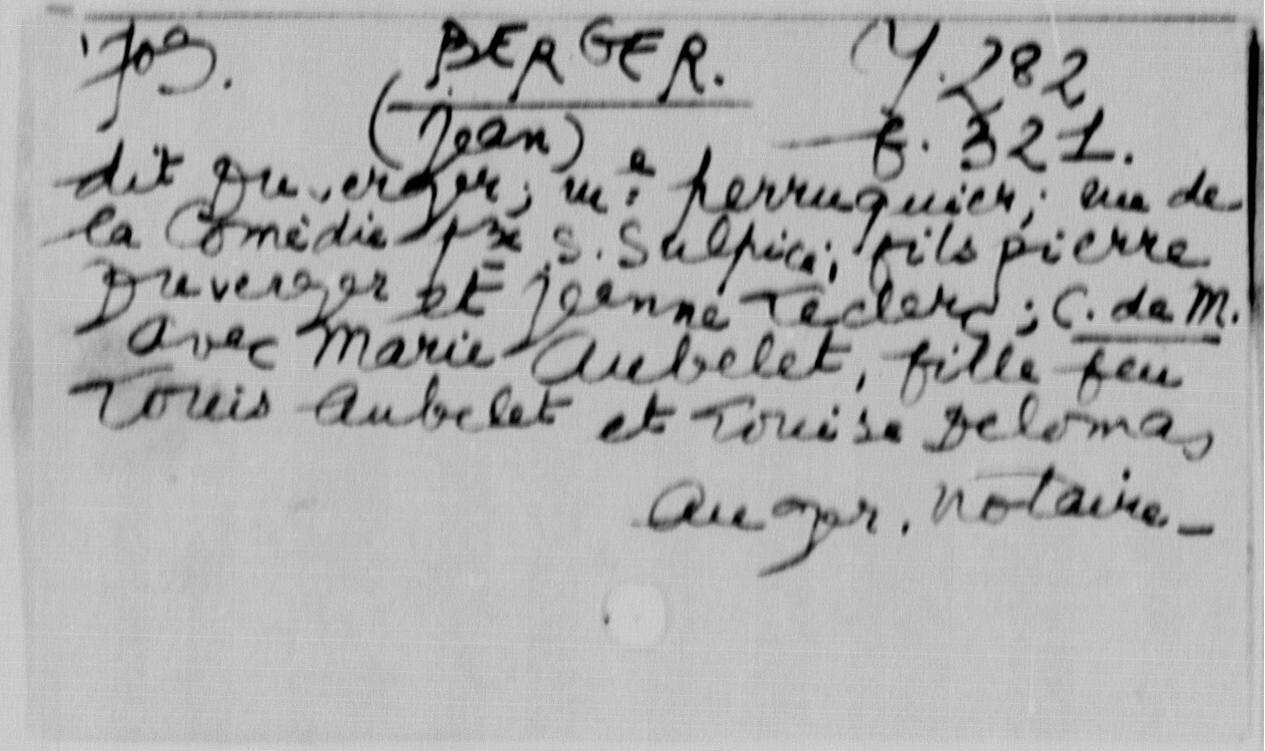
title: BERGER (Jean)
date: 1709
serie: Y
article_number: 282
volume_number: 321
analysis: Dit Duverger, maître perruquier, rue de la Comédie paroisse Saint-Sulpice ; fils Pierre. Duverger et Jeanne Leclerc. Contrat de mariage avec Marie Aubelet, fille feu Louis Aubelet et Louise Delomas Auger, notaire.
